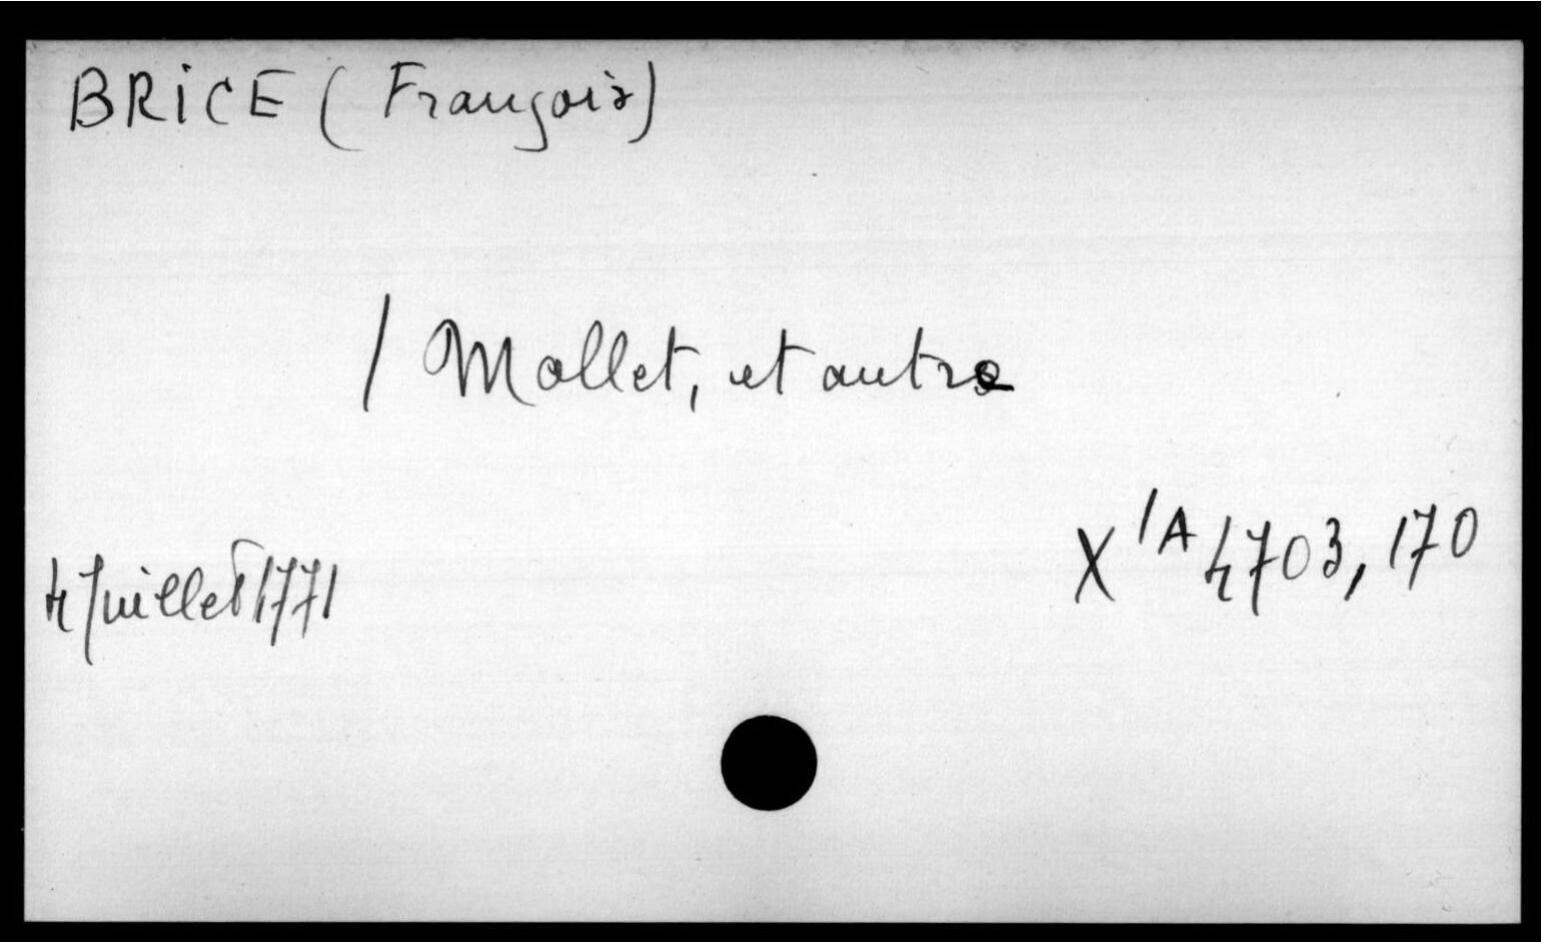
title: BRICE (François)
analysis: Contre Mallet, et autre
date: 4 juillet 1771
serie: X1A
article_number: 4703
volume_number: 170
